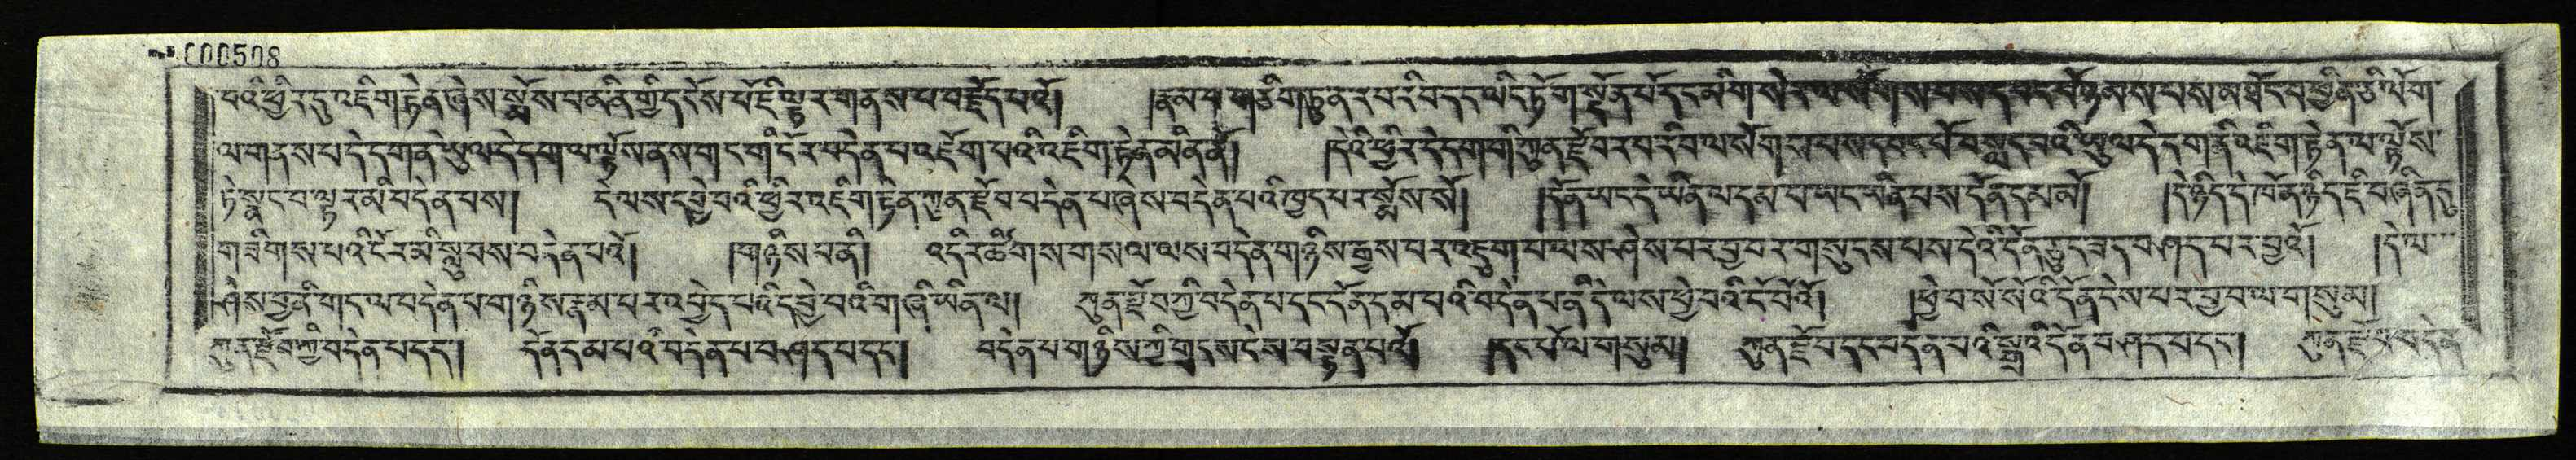པའི་ཕྱིར་དུ་འཇིག་རྟེན་ཞེས་སྨོས་པ་མིན་གྱི་དངོས་པོ་ཇི་ལྟར་གནས་པ་བརྗོད་པའོ། །རྣམ་པ་གཅིག་ཏུ་ན་རབ་རིབ་དང་ལིང་ཏོག་སྔོན་པོ་དང་མིག་སེར་ལ་སོགས་པས་དབང་པོ་ཉམས་པས་མཐོང་བ་ཕྱིན་ཅི་ལོག་
ལ་གནས་པ་དེ་དག་ནི་ཡུལ་དེ་དག་ལ་ལྟོས་ནས་གང་གི་ངོར་བདེན་པ་འཇོག་པའི་འཇིག་རྟེན་མིན་ནོ། །དེའི་ཕྱིར་དེ་དག་གི་ཀུན་རྫོབ་རབ་རིབ་ལ་སོགས་པས་དབང་པོ་བསླད་པའི་ཡུལ་དེ་དག་ནི་འཇིག་རྟེན་ལ་ལྟོས་
ཏེ་སྣང་བ་ལྟར་མི་བདེན་པས། དེ་ལས་དབྱེ་བའི་ཕྱིར་འཇིག་རྟེན་ཀུན་རྫོབ་བདེན་པ་ཞེས་བདེན་པའི་ཁྱད་པར་སྨོས་སོ། །དོན་ཡང་དེ་ཡིན་ལ་དམ་པ་ཡང་ཡིན་པས་དོན་དམ་མོ། །དེ་ཉིད་དེ་ཁོ་ན་ཉིད་ཇི་བཞིན་དུ་
གཟིགས་པའི་ངོར་མི་སླུ་བས་བདེན་པའོ། །གཉིས་པ་ནི། འདིར་ཚིགས་གསལ་ལས་བདེན་གཉིས་རྒྱས་པར་འཇུག་པ་ལས་ཤེས་པར་བྱ་བར་གསུངས་པས་དེའི་དོན་ཅུང་ཟད་བཤད་པར་བྱའོ། །དེ་ལ་
ཤེས་བྱ་ནི་གང་ལ་བདེན་པ་གཉིས་རྣམ་པར་འབྱེད་པའི་དབྱེ་བའི་གཞི་ཡིན་ལ། ཀུན་རྫོབ་ཀྱི་བདེན་པ་དང་དོན་དམ་པའི་བདེན་པ་ནི་དེ་ལས་ཕྱེ་བའི་ངོ་བོའོ། །ཕྱེ་བ་སོ་སོའི་དོན་ངེས་པར་བྱ་བ་ལ་གསུམ།
ཀུན་རྫོབ་ཀྱི་བདེན་པ་དང་། དོན་དམ་པའི་བདེན་པ་བཤད་པ་དང་། བདེན་པ་གཉིས་ཀྱི་གྲངས་ངེས་བསྟན་པའོ། །དང་པོ་ལ་གསུམ། ཀུན་རྫོབ་དང་བདེན་པའི་སྒྲའི་དོན་བཤད་པ་དང་། ཀུན་རྫོབ་བདེན་